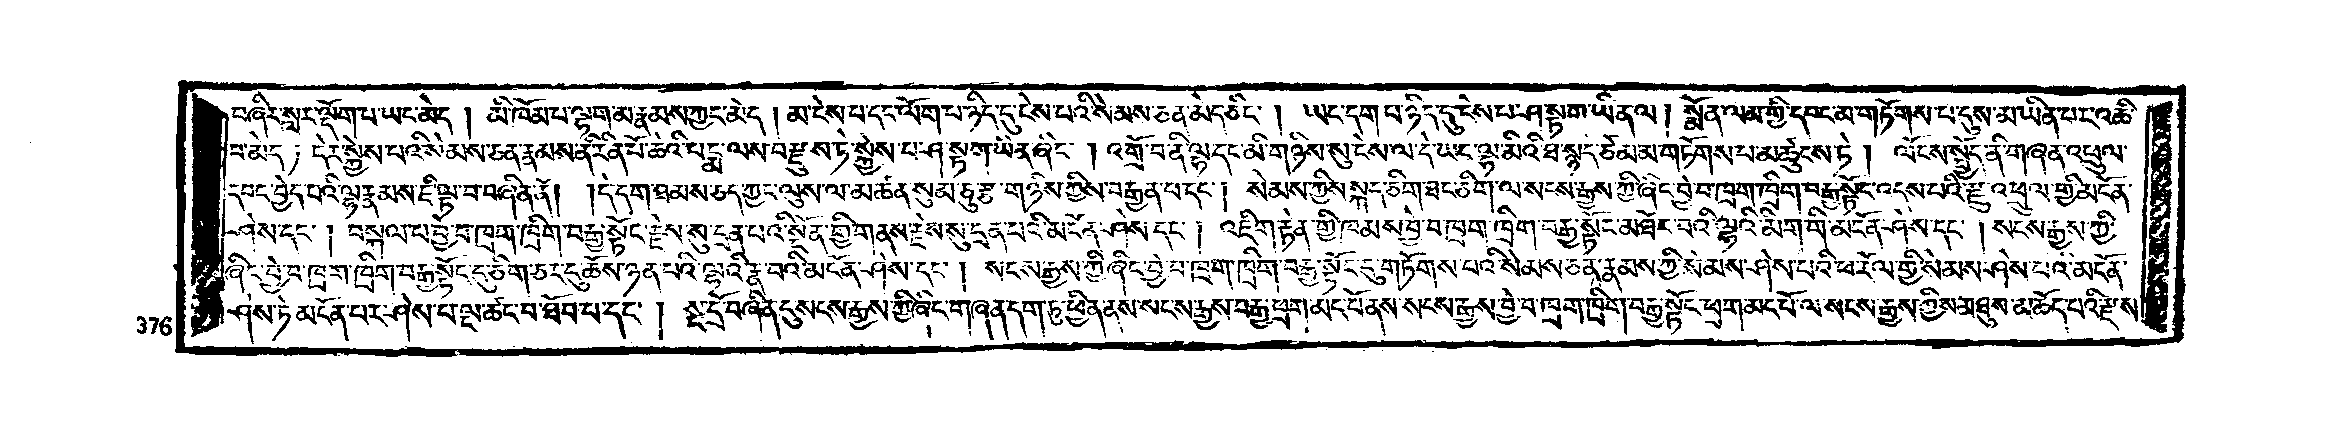བཞིར་སླར་ལྡོག་པ་ཡང་མེད། མི་ཁོམ་པ་ལྷག་མ་རྣམས་ཀྱང་མེད། མ་ངེས་པ་དང་ལོག་པ་ཉིད་དུ་ངེས་པའི་སེམས་ཅན་མེད་ཅིང་། ཡང་དག་པ་ཉིད་དུ་ངས་པ་ཤ་སྟག་ཡིན་ལ། སྨོན་ལམ་གྱི་དབང་མ་གཏོགས་པ་དུས་མ་ཡིན་པར་འཆི་
བ་མེད༑ དེར་སྐྱེས་པའི་སེམས་ཅན་རྣམས་ནི་རིན་པོ་ཆེའི་པདམ་ལས་བརྫུས་ཏེ་སྐྱེས་པ་ཤ་སྟག་ཡིན་ཞིང་། འགྲོ་བ་ནི་ལྷ་དང་མི་གཉིས་སུ་ངེས་ལ་དེ་ཡང་ལྷ་མིའི་ཐ་སྙད་ཙམ་མ་གཏོགས་པ་མཚུངས་ཏེ། ལོངས་སྤྱོད་ནི་གཞན་འཕྲུལ་
དབང་བྱེད་པའི་ལྷ་རྣམས་ཇི་ལྟ་བ་བཞིན་ནོ། །དེ་དག་ཐམས་ཅད་ཀྱང་ལུས་ལ་མཚན་སུམ་ཅུ་རྩ་གཉིས་ཀྱིས་བརྒྱན་པ་དང་། སེམས་ཀྱིས་སྐད་ཅིག་ཐང་ཅིག་ལ་སངས་རྒྱས་ཀྱི་ཞིང་བྱེ་བ་ཁྲག་ཁྲིག་བརྒྱ་སྟོང་འདས་པའི་རྫུ་འཕྲུལ་གྱི་མངོན་
ཤེས་དང་། བསྐལ་པ་བྱེ་བ་ཁྲག་ཁྲིག་བརྒྱ་སྟོང་རྗེས་སུ་དྲན་པའི་སྔོན་གྱི་གནས་རྗེས་སུ་དྲན་པའི་མངོན་ཤེས་དང་། འཇིག་རྟེན་གྱི་ཁམས་བྱེ་བ་ཁྲག་ཁྲིག་བརྒྱ་སྟོང་མཐོང་བའི་ལྷའི་མིག་གི་མངོན་ཤེས་དང་། སངས་རྒྱས་ཀྱི་
ཞིང་བྱེ་བ་ཁྲག་ཁྲིག་བརྒྱ་སྟོང་དུ་ཅིག་ཅར་དུ་ཆོས་ཉན་པའི་ལྷའི་རྣ་བའི་མངོན་ཤེས་དང་། སངས་རྒྱས་ཀྱི་ཞིང་བྱེ་བ་ཁྲག་ཁྲིག་བརྒྱ་སྟོང་དུ་གཏོགས་པའི་སེམས་ཅན་རྣམས་ཀྱི་སེམས་ཤེས་པའི་ཕ་རོལ་གྱི་སེམས་ཤེས་པའི་མངོན་
ཤེས་ཏེ་མངོན་པར་ཤེས་པ་ལྔ་ཚང་བ་ཐོབ་པ་དང་། སྔ་དྲོ་བཞིན་དུ་སངས་རྒྱས་ཀྱི་ཞིང་གཞན་དག་ཏུ་ཕྱིན་ནས་སངས་རྒྱས་བརྒྱ་ཕྲག་མང་པོ་ནས་སངས་རྒྱས་བྱེ་བ་ཁྲག་ཁྲིག་བརྒྱ་སྟོང་ཕྲག་མང་པོ་ལ་སངས་རྒྱས་ཀྱི་མཐུས་མཆོད་པའི་རྫས་